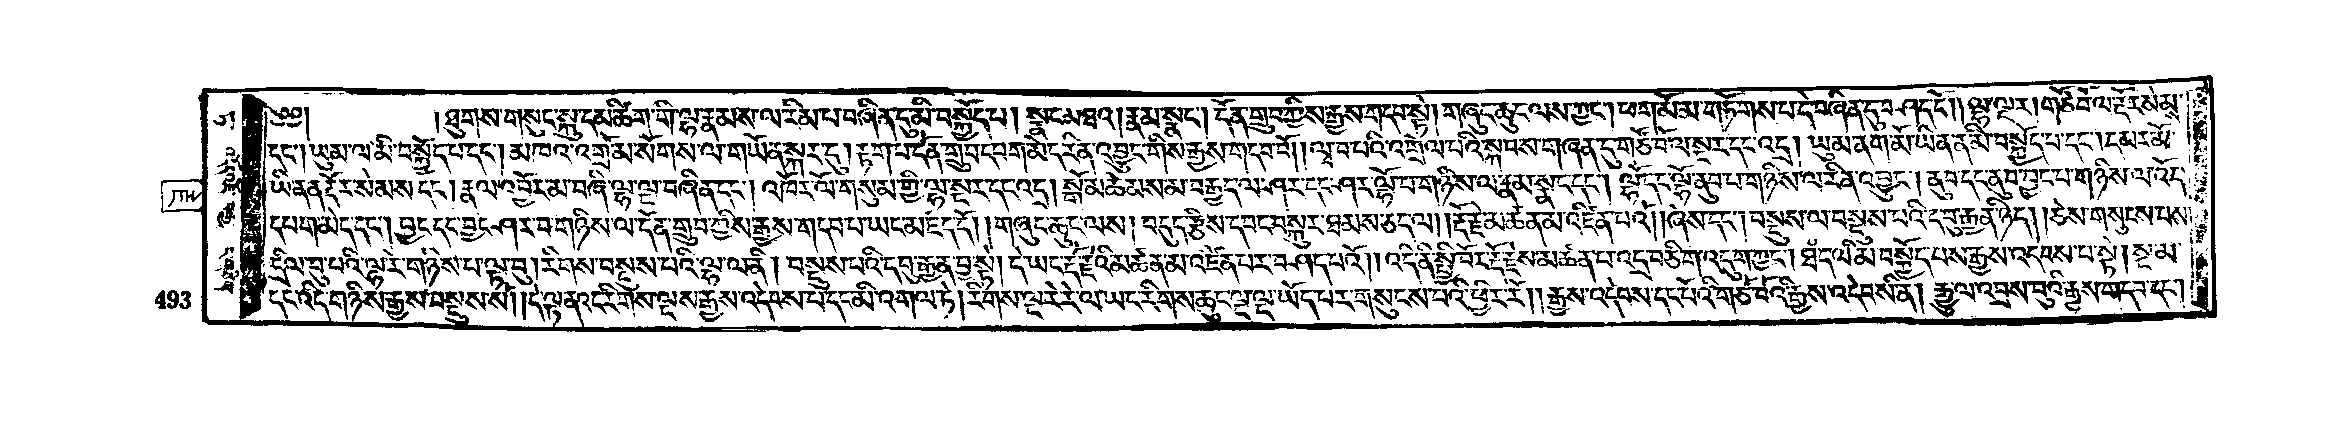༄༅། །ཐུགས་གསུང་སྐུ་དམ་ཚིག་གི་ལྷ་རྣམས་ལ་རིམ་པ་བཞིན་དུ་མི་བསྐྱོད་པ། སྣང་མཐའ། རྣམ་སྣང་། དོན་གྲུབ་ཀྱིས་རྒྱས་གདབ་སྟེ། གཞུང་ཆུང་ལས་ཀྱང་། ཕག་མོ་མ་གཏོགས་པ་དེ་བཞིན་དུ་བཤད་དོ། །ལྷ་ལྔར། གཙོ་བོ་ལ་རྡོར་སེམས་
དང་། ཡུམ་ལ་མི་བསྐྱོད་པ་དང་། མཁའ་འགྲོ་མ་སོགས་ལ་གཡོན་སྐར་དུ། རྟག་པ་དོན་གྲུབ་དཔག་མེད་རིན་འབྱུང་གིས་རྒྱས་གདབ་བོ། །ལྭ་བ་པའི་འགྲེལ་པའི་སྐབས་གཞན་དུ་གཙོ་བོ་ལ་སྔར་དང་འདྲ། ཡུམ་ནག་མོ་ཡིན་ན་མི་བསྐྱོད་པ་དང་། དམར་མོ་
ཡིན་ན་རྡོར་སེམས་དང་། རྣལ་འབྱོར་མ་བཞི་ལྷ་ལྔ་བཞིན་དང་། འཁོར་ལོ་གསུམ་གྱི་ལྷ་སྔར་དང་འདྲ། སྒོ་མཚམས་མ་བརྒྱད་ལ་ཤར་དང་ཤར་ལྷོ་བ་གཉིས་ལ་རྣམ་སྣང་དང་། ལྷོ་དང་ལྷོ་ནུབ་པ་གཉིས་ལ་རིན་འབྱུང་། ནུབ་དང་ནུབ་བྱང་པ་གཉིས་ལ་འོད་
དཔག་མེད་དང་། བྱང་དང་བྱང་ཤར་བ་གཉིས་ལ་དོན་གྲུབ་ཀྱིས་རྒྱས་གདབ་པ་ཡང་མཛད་དོ། །གཞུང་ཆུང་ལས། བདུད་རྩིས་དབང་བསྐུར་ཐམས་ཅད་ལ། །རྡོ་རྗེ་མཚན་མ་འཛིན་པའོ། །ཞེས་དང་། བསྡུས་ལ་བསྡུས་པའི་དབུ་རྒྱན་ཉིད། །ཅེས་གསུངས་པས་
དྲིལ་བུ་པའི་ལྷ་རེ་གཉིས་པ་ལྟ་བུ། རིགས་བསྡུས་པའི་ལྷ་ལ་ནི། བསྡུས་པའི་དབུ་རྒྱན་བྱ་སྟེ། དེ་ཡང་རྡོ་རྗེའི་མཚན་མ་འཛིན་པར་བཤད་པའོ། །འདི་ནི་སྤྱི་བོར་རྡོ་རྗེས་མཚན་པ་འདྲ་བ་ཅིག་འདུག་ཀྱང་། ཐམས་ཅད་ལ་མི་བསྐྱོད་པས་རྒྱས་འདེབས་པ་སྟེ། སྔམ་
དང་འདི་གཉིས་རྒྱས་བསྡུས་སོ། །དེ་ལྟ་ནའང་རིགས་ལྔས་རྒྱས་འདེབས་པ་དང་མི་འགལ་ཏེ། རིགས་ལྔ་རེ་རེ་ལ་ཡང་རིགས་ཆུང་ལྔ་ལྔ་ཡོད་པར་གསུངས་པའི་ཕྱིར་རོ། །རྒྱས་འདེབས་དང་པོའི་གཙོ་བོའི་རྒྱས་འདེབས་ནི། རྒྱུ་ལ་འབྲས་བུའི་རྒྱས་གདབ་དང་།